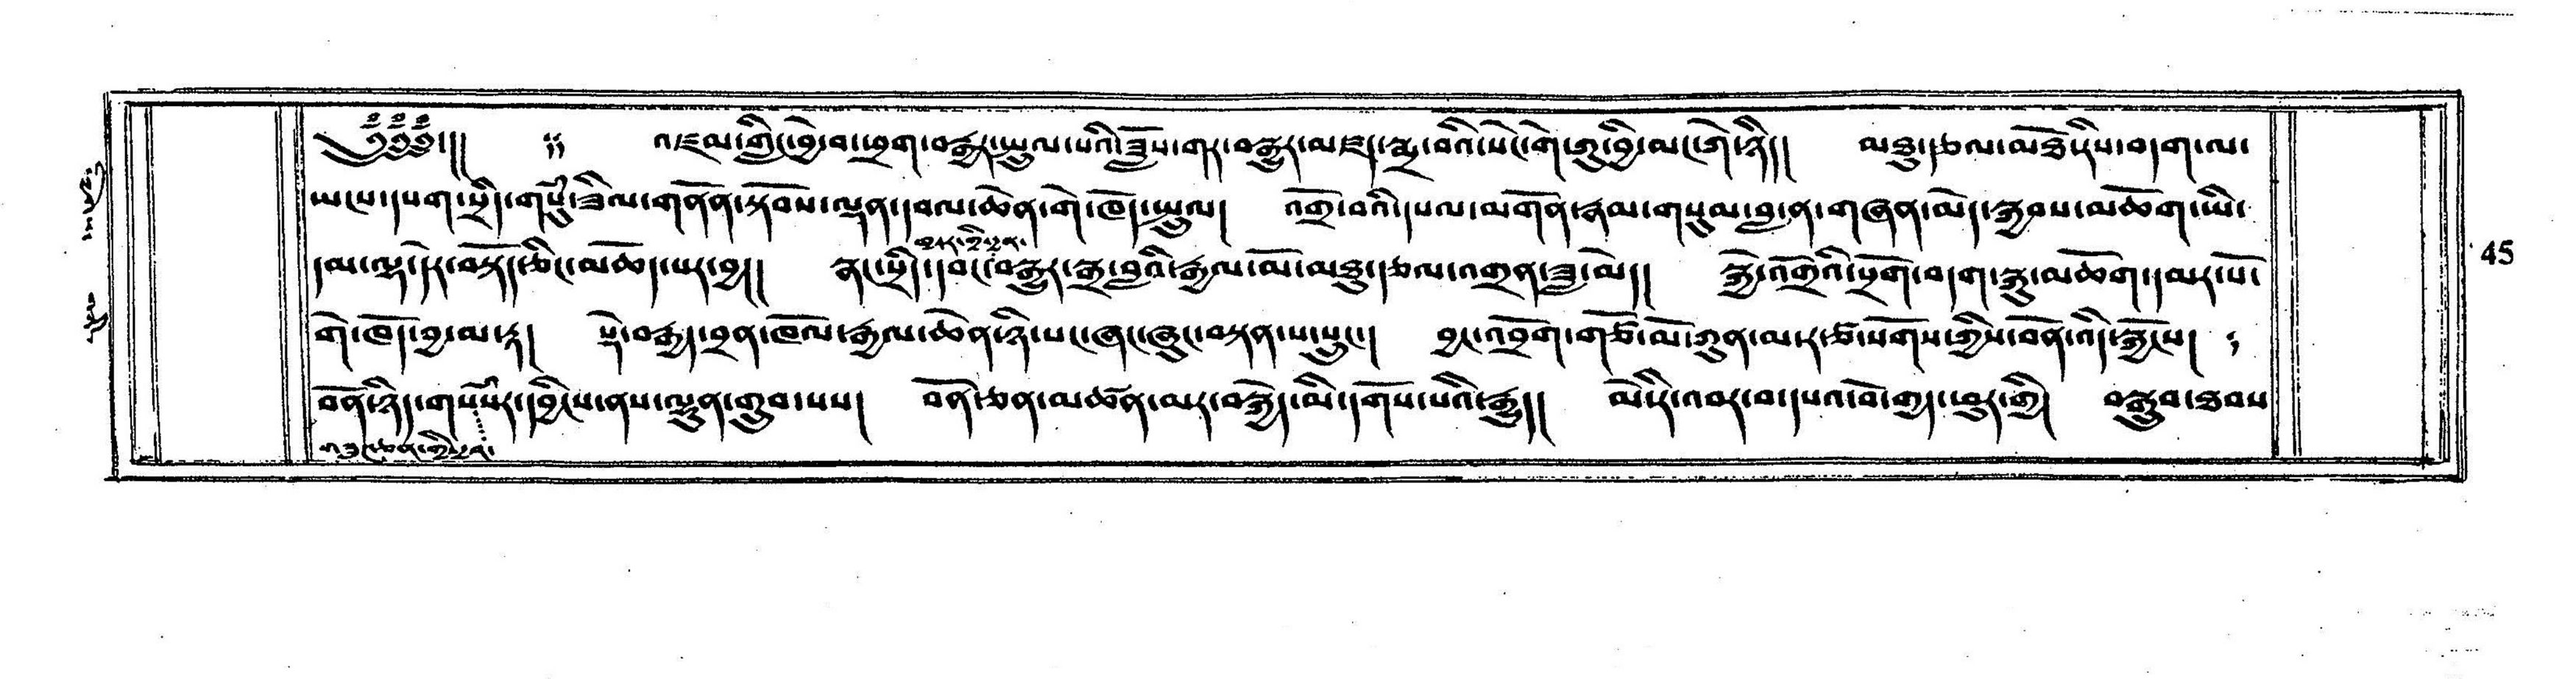འཛལ་གླིང་བྱེ་བ་ཕྲག་བརྒྱར་སྤྲུལ་པའི་ཟློས་གར་བསྒྱུར་མཛད་སྨྲ་བའི་སེང་གེ་ཀུ་བྱི་མང་ཀེ་ཉིད། མཐུ་རྩལ་མཐོ་རིས་བདག་ལ་
ཡངས་དཔག་སྲིད་གསུམ་ཟིལ་གནོན་སྟོབས་ལྡན་དབལ་ཆེན་གེ་ཁོད་སྤྲུལ། འགྲོ་བའི་དཔལ་མགོན་རྣམ་གསུམ་བླ་ན་གཞན་མེད་སྐྱབས་མཆོག་ཡི་
དམ་ལྷ་དེར་བསྟོད་ཅིང་མཆོད་པར་བྱ།། སྣང་སྲིད་དབང་(ཁྱད་པར་གྱི་རྒྱན་) བསྒྱུར་སྒྲ་བླའི་རྒྱལ་མོ་མཐུ་རྩལ་འགྲན་ཟླ་མེད། སྐྱེ་འགྲོའི་སྲོག་བདག་སྐུ་མཆོག་དམར་པོ་
གེ་ཁོད་བྱ་མ་རྟ། སྡེ་བརྒྱད་བྲན་ཁོལ་རྒྱལ་ཆེན་ཉི་པང་ཞང་ཞུང་བསྟན་པ་སྲུང་། བྱང་འབྲོག་གཙོ་མོ་ཀུན་མ་ར་ཙ་སོགས་ཀྱིས་བོན་འདི་སྐྱོངས། 
བོན་ཉིད་གསས་མཁར་(གཟུགས་ཅན་གྱི་རྒྱན་) དབྱིངས་ནས་ལྷུན་གྲུབ་པས། བོན་ཅན་མཚན་མར་བསྐྱེད་མི་དགོས་པའི་རྒྱུད། མེ་རི་འབར་བ་དཔའ་བོ་གྱད་ཕུར་གྱི། བསྒྲུབ་ཐབས་